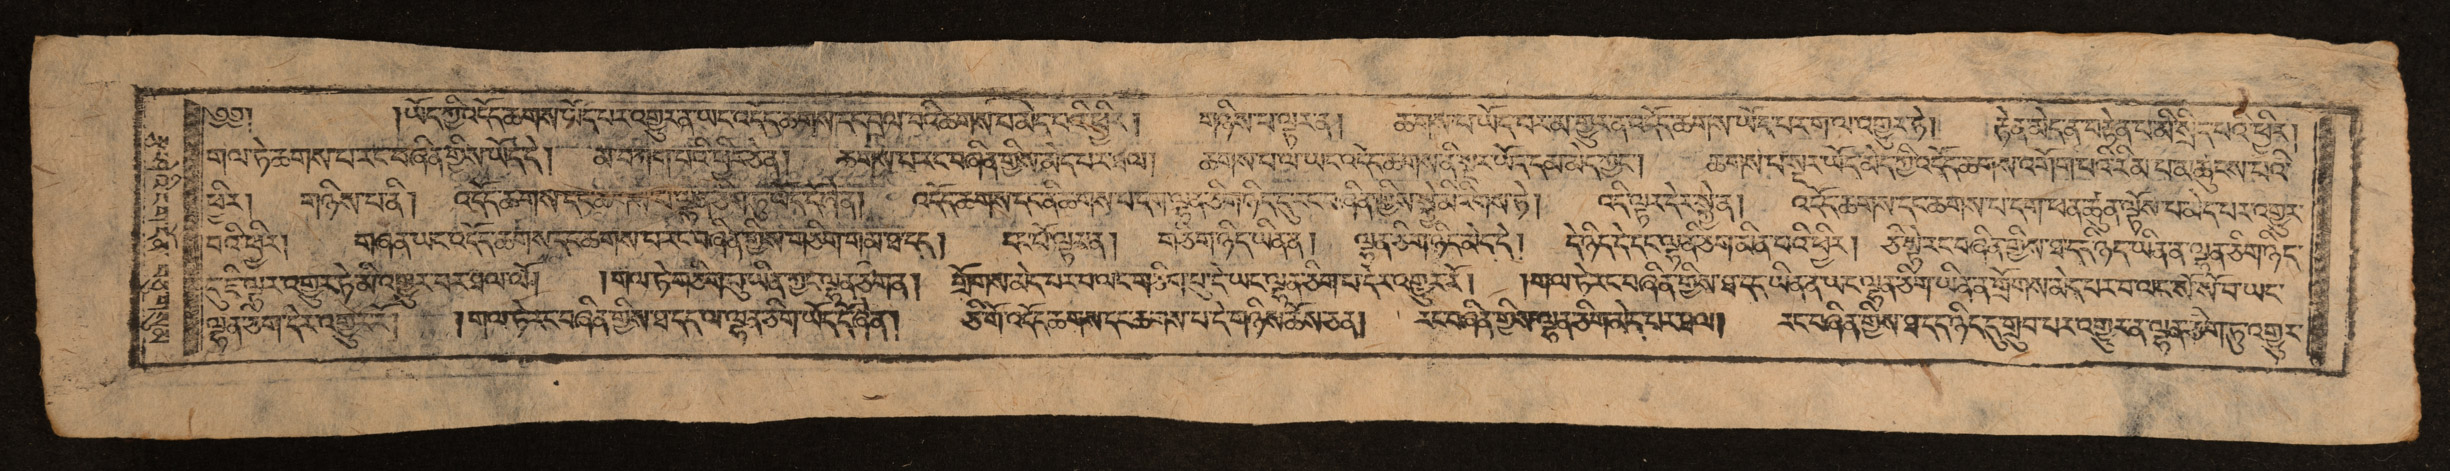༄༅། །ཡོད་ཀྱི་འདོད་ཆགས་ཡོད་པར་འགྱུར་ན་ཡང་འདོད་ཆགས་དང་བྲལ་བའི་ཆགས་པ་མེད་པའི་ཕྱིར། གཉིས་པ་ལྟར་ན། ཆགས་པ་ཡོད་པར་མ་གྱུར་ན་འདོད་ཆགས་ཡོད་པར་གལ་འགྱུར་ཏེ། རྟེན་མེད་ན་བརྟེན་པ་མི་སྲིད་པའི་ཕྱིར།
གལ་ཏེ་ཆགས་པ་རང་བཞིན་གྱིས་ཡོད་དེ། མ་བཀག་པའི་ཕྱིར་ཅེ་ན། ཆགས་པ་རང་བཞིན་གྱིས་མེད་པར་ཐལ། ཆགས་པ་ལ་ཡང་འདོད་ཆགས་ནི་སྔར་ཡོད་དམ་མེད་ཀྱང་། ཆགས་པ་སྔར་ཡོད་མེད་ཀྱི་འདོད་ཆགས་འགོག་པའི་རིམ་པ་མཚུངས་པའི་
ཕྱིར། གཉིས་པ་ནི། འདོད་ཆགས་དང་ཆགས་པ་ལྷན་ཅིག་ཏུ་ཡོད་དོ་ཞེ་ན། འདོད་ཆགས་དང་ནི་ཆགས་པ་དག་ལྷན་ཅིག་ཉིད་དུ་རང་བཞིན་གྱིས་སྐྱེ་མི་རིགས་ཏེ། འདི་ལྟར་དེར་སྐྱེ་ན། འདོད་ཆགས་དང་ཆགས་པ་དག་ཕན་ཚུན་ལྟོས་པ་མེད་པར་འགྱུར་
བའི་ཕྱིར། གཞན་ཡང་འདོད་ཆགས་དང་ཆགས་པ་རང་བཞིན་གྱིས་གཅིག་གམ་ཐ་དད། དང་པོ་ལྟར་ན། གཅིག་ཉིད་ཡིན་ན། ལྷན་ཅིག་ཉིད་མེད་དེ། དེ་ཉིད་དེ་དང་ལྷན་ཅིག་མིན་པའི་ཕྱིར། ཅི་སྟེ་རང་བཞིན་གྱིས་ཐ་དད་ཉིད་ཡིན་ན་ལྷན་ཅིག་ཉིད་
དུ་ཇི་ལྟར་འགྱུར་ཏེ་མི་འགྱུར་བར་ཐལ་ལོ། །གལ་ཏེ་གཅིག་པུ་ཡིན་ཀྱང་ལྷན་ཅིག་ན། གྲོགས་མེད་པར་བ་ལང་གཅིག་པུ་དེ་ཡང་ལྷན་ཅིག་པ་དེར་འགྱུར་རོ། །གལ་ཏེ་རང་བཞིན་གྱིས་ཐ་དད་ཡིན་ན་ཡང་ལྷན་ཅིག་ཡིན་ན་གྲོགས་མེད་པར་བ་ལང་སོ་སོ་བ་ཡང་
ལྷན་ཅིག་དེར་འགྱུར་རོ། །གལ་ཏེ་རང་བཞིན་གྱིས་ཐ་དད་ལ་ལྷན་ཅིག་ཡོད་དོ་ཞེ་ན། ཅི་གོ་འདོད་ཆགས་དང་ཆགས་པ་དེ་གཉིས་ཆོས་ཅན། རང་བཞིན་གྱིས་ལྷན་ཅིག་མེད་པར་ཐལ། རང་བཞིན་གྱིས་ཐ་དད་ཉིད་དུ་གྲུབ་པར་འགྱུར་ན་ལྷན་ཅིག་ཏུ་འགྱུར་